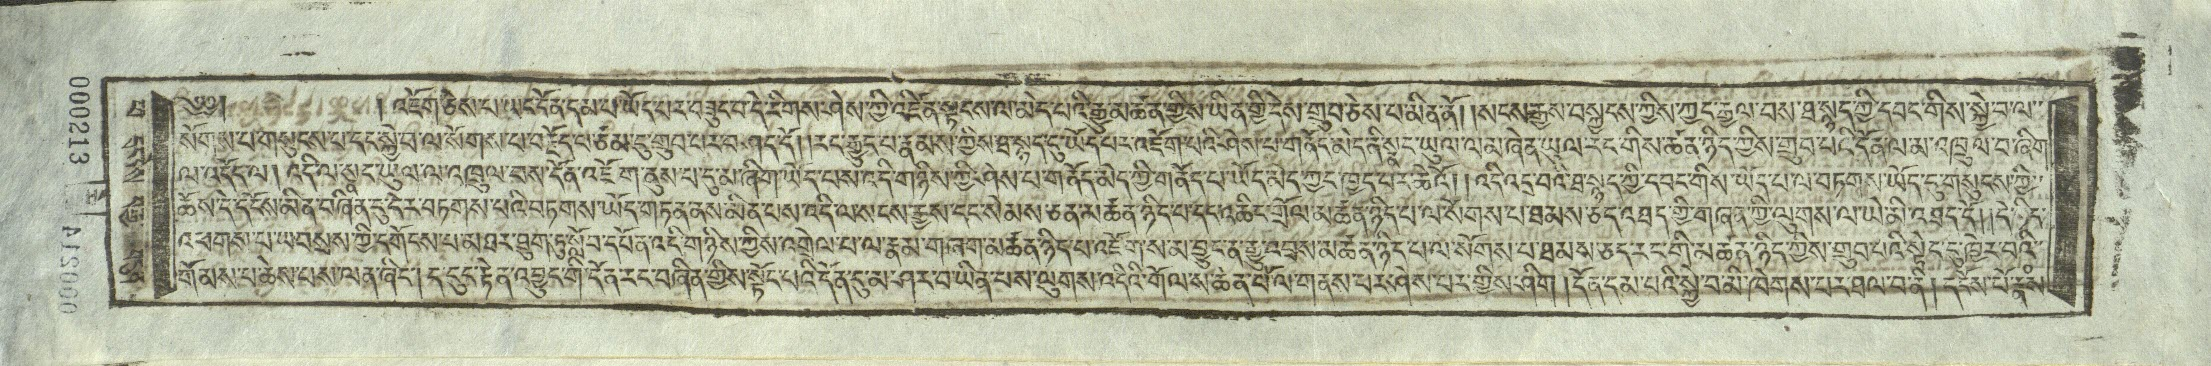༄༅། །འཇོག་ཅེས་པ་ཡང་དོན་དམ་པ་ཡོད་པར་བཟུང་བ་དེ་རིགས་ཤེས་ཀྱི་འཛིན་སྟངས་ལ་མེད་པའི་རྒྱུ་མཆན་གྱིས་ཡིན་གྱི་དེས་གྲུབ་ཅེས་པ་མིན་ནོ། །སངས་རྒྱས་བསྐྱངས་ཀྱིས་ཀྱང་རྒྱལ་བས་ཐ་སྙད་ཀྱི་དབང་གིས་སྐྱེ་བ་ལ་
སོགས་པ་གསུངས་པ་དང་སྐྱེ་བ་ལ་སོགས་པ་བརྗོད་པ་ཙམ་དུ་གྲུབ་པར་བཤད་དོ། །རང་རྒྱུད་པ་རྣམས་ཀྱིས་ཐ་སྙད་དུ་ཡོད་པར་འཇོག་པའི་ཤེས་པ་གནོད་མེད་ནི་སྣང་ཡུལ་ལམ་ཞེན་ཡུལ་རང་གི་མཚན་ཉིད་ཀྱིས་གྲུབ་པའི་དོན་ལ་མ་འཁྲུལ་བ་ཞིག་
ལ་འདོད་ལ། འདི་ལ་སྣང་ཡུལ་ལ་འཁྲུལ་བས་དོན་འཇོག་ནུས་པ་དུ་མ་ཞིག་ཡོད་པས་འདི་གཉིས་ཀྱི་ཤེས་པ་གནོད་མེད་ཀྱི་གནོད་པ་ཡོད་མེད་ཀྱང་ཁྱད་པར་ཆེའོ། །འདི་འདྲ་བའི་ཐ་སྙད་ཀྱི་དབང་གིས་ཡོད་པ་ལ་བཏགས་ཡོད་དུ་གསུངས་ཀྱི་
ཆོས་དེ་དངོས་མིན་བཞིན་དུ་དེར་བཏགས་པའི་བཏགས་ཡོད་གཏན་ནས་མིན་པས་འདི་ལ་སངས་རྒྱས་དང་སེམས་ཅན་མཚན་ཉིད་པ་དང་འཆིང་གྲོལ་མཚན་ཉིད་པ་ལ་སོགས་པ་ཐམས་ཅད་འཐད་ཀྱི་གཞན་གྱི་ལུགས་ལ་ཡི་མི་འཐད་དོ། །དེ་ཉིད་
འཕགས་པ་ཡབ་སྲས་ཀྱི་དགོངས་པ་མཐར་ཐུག་ཏུ་སློབ་དཔོན་འདི་གཉིས་ཀྱིས་འགྲེལ་པ་ལ་རྣམ་གཞག་མཚན་ཉིད་པ་འཇོག་ས་མ་བྱུང་ན་རྒྱུ་འབྲས་མཚན་ཉིད་པ་ལ་སོགས་པ་ཐམས་ཅད་རང་གི་མཚན་ཉིད་ཀྱིས་གྲུབ་པའི་སྟེང་དུ་ཁྱེར་བའི་
གོམས་པ་ཆེས་པས་ལན་ཞིང་། ད་དུང་རྟེན་འབྱུང་གི་དོན་རང་བཞིན་གྱིས་སྟོང་པའི་དོན་དུ་མ་ཤར་བ་ཡིན་པས་ལུགས་འདིའི་གོལ་ས་ཆེན་པོ་ལ་གནས་པར་ཤེས་པར་གྱིས་ཤིག །དོན་དམ་པའི་སྐྱེ་བ་མི་ཁེགས་པར་ཐལ་བ་ནི། དངོས་པོ་རྣམས་